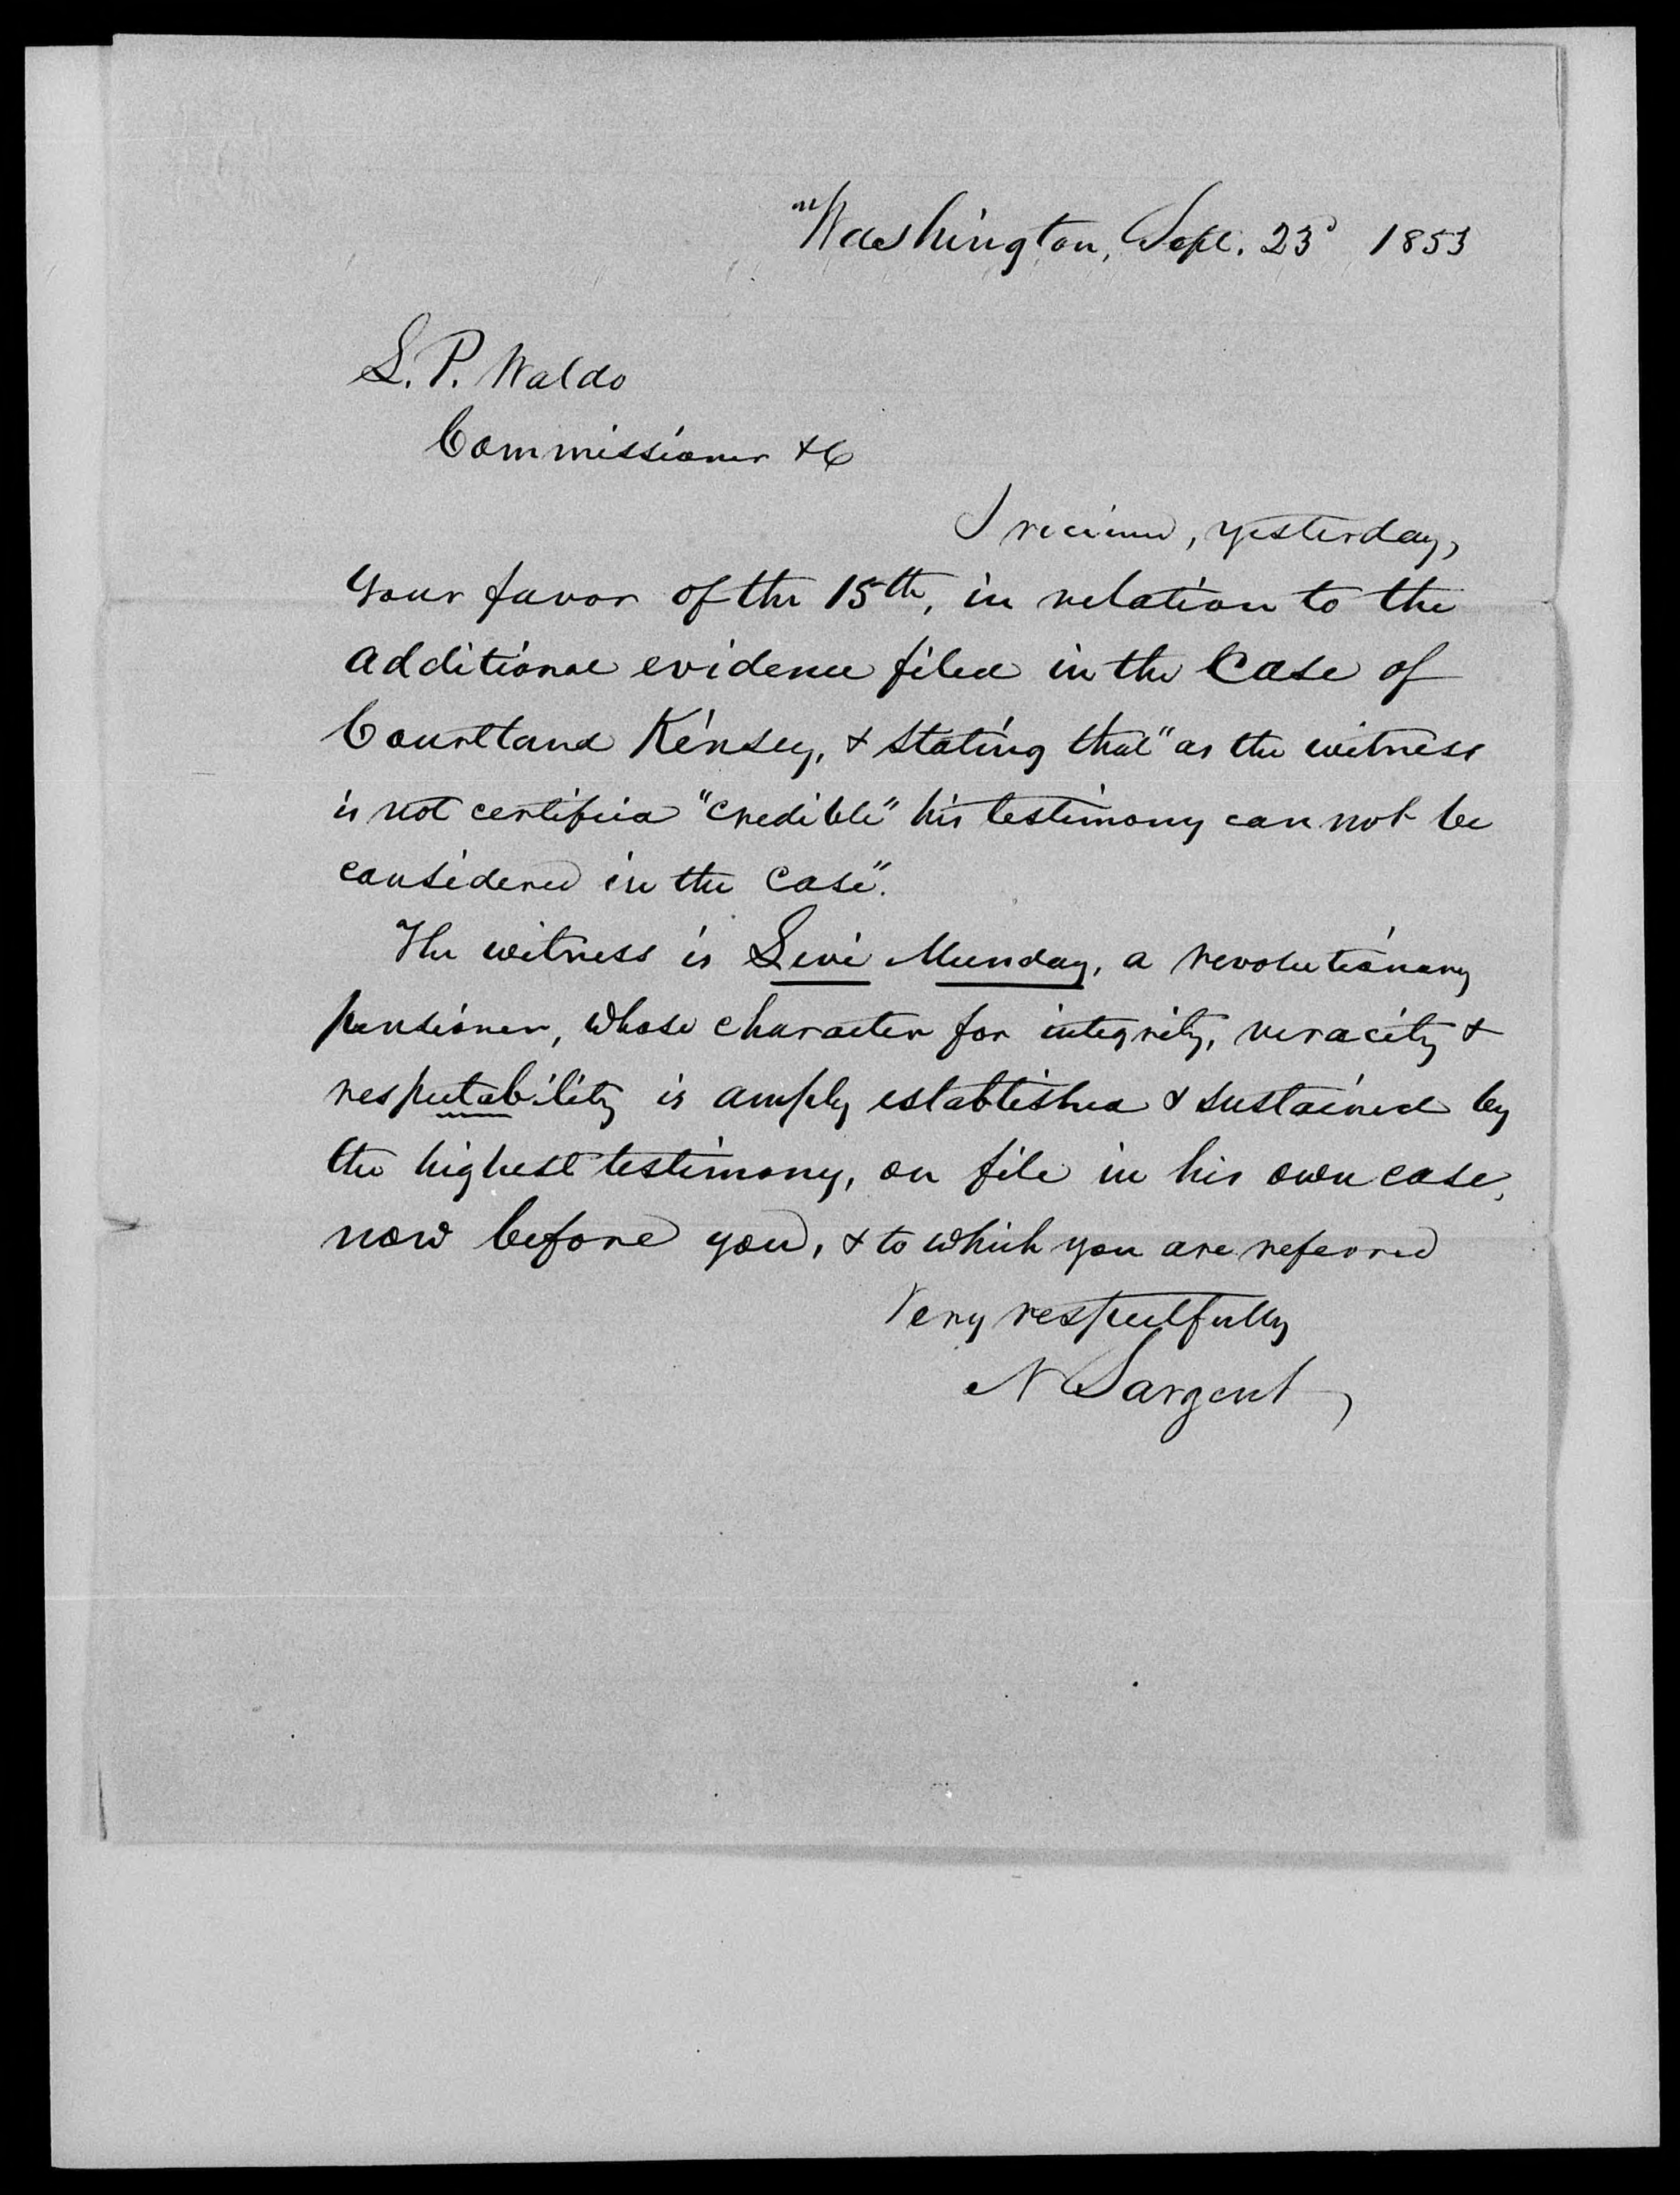Washington, Sept. 23 1853

L.P. Waldo
Commissioner &c.

I received yesterday, your favor of the 15th in relation to the additional evidence filed in the case of Courtland Kinsey & stating that, "as the witness
is not certified 'credible' his testimony cannot be considered in the case."

The witness is Levi Munday, a Revolutionary Pensioner, whose character for integrity, veracity & respectability is amply establishes & sustained by the highest testimony on file in his own case now before you, & to which you are referred.

Very respectfully,
s/ N Sargent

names: Levi Munday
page: 48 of 95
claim: survivor's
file: S 2889, for Levi Mundy, New Jersey